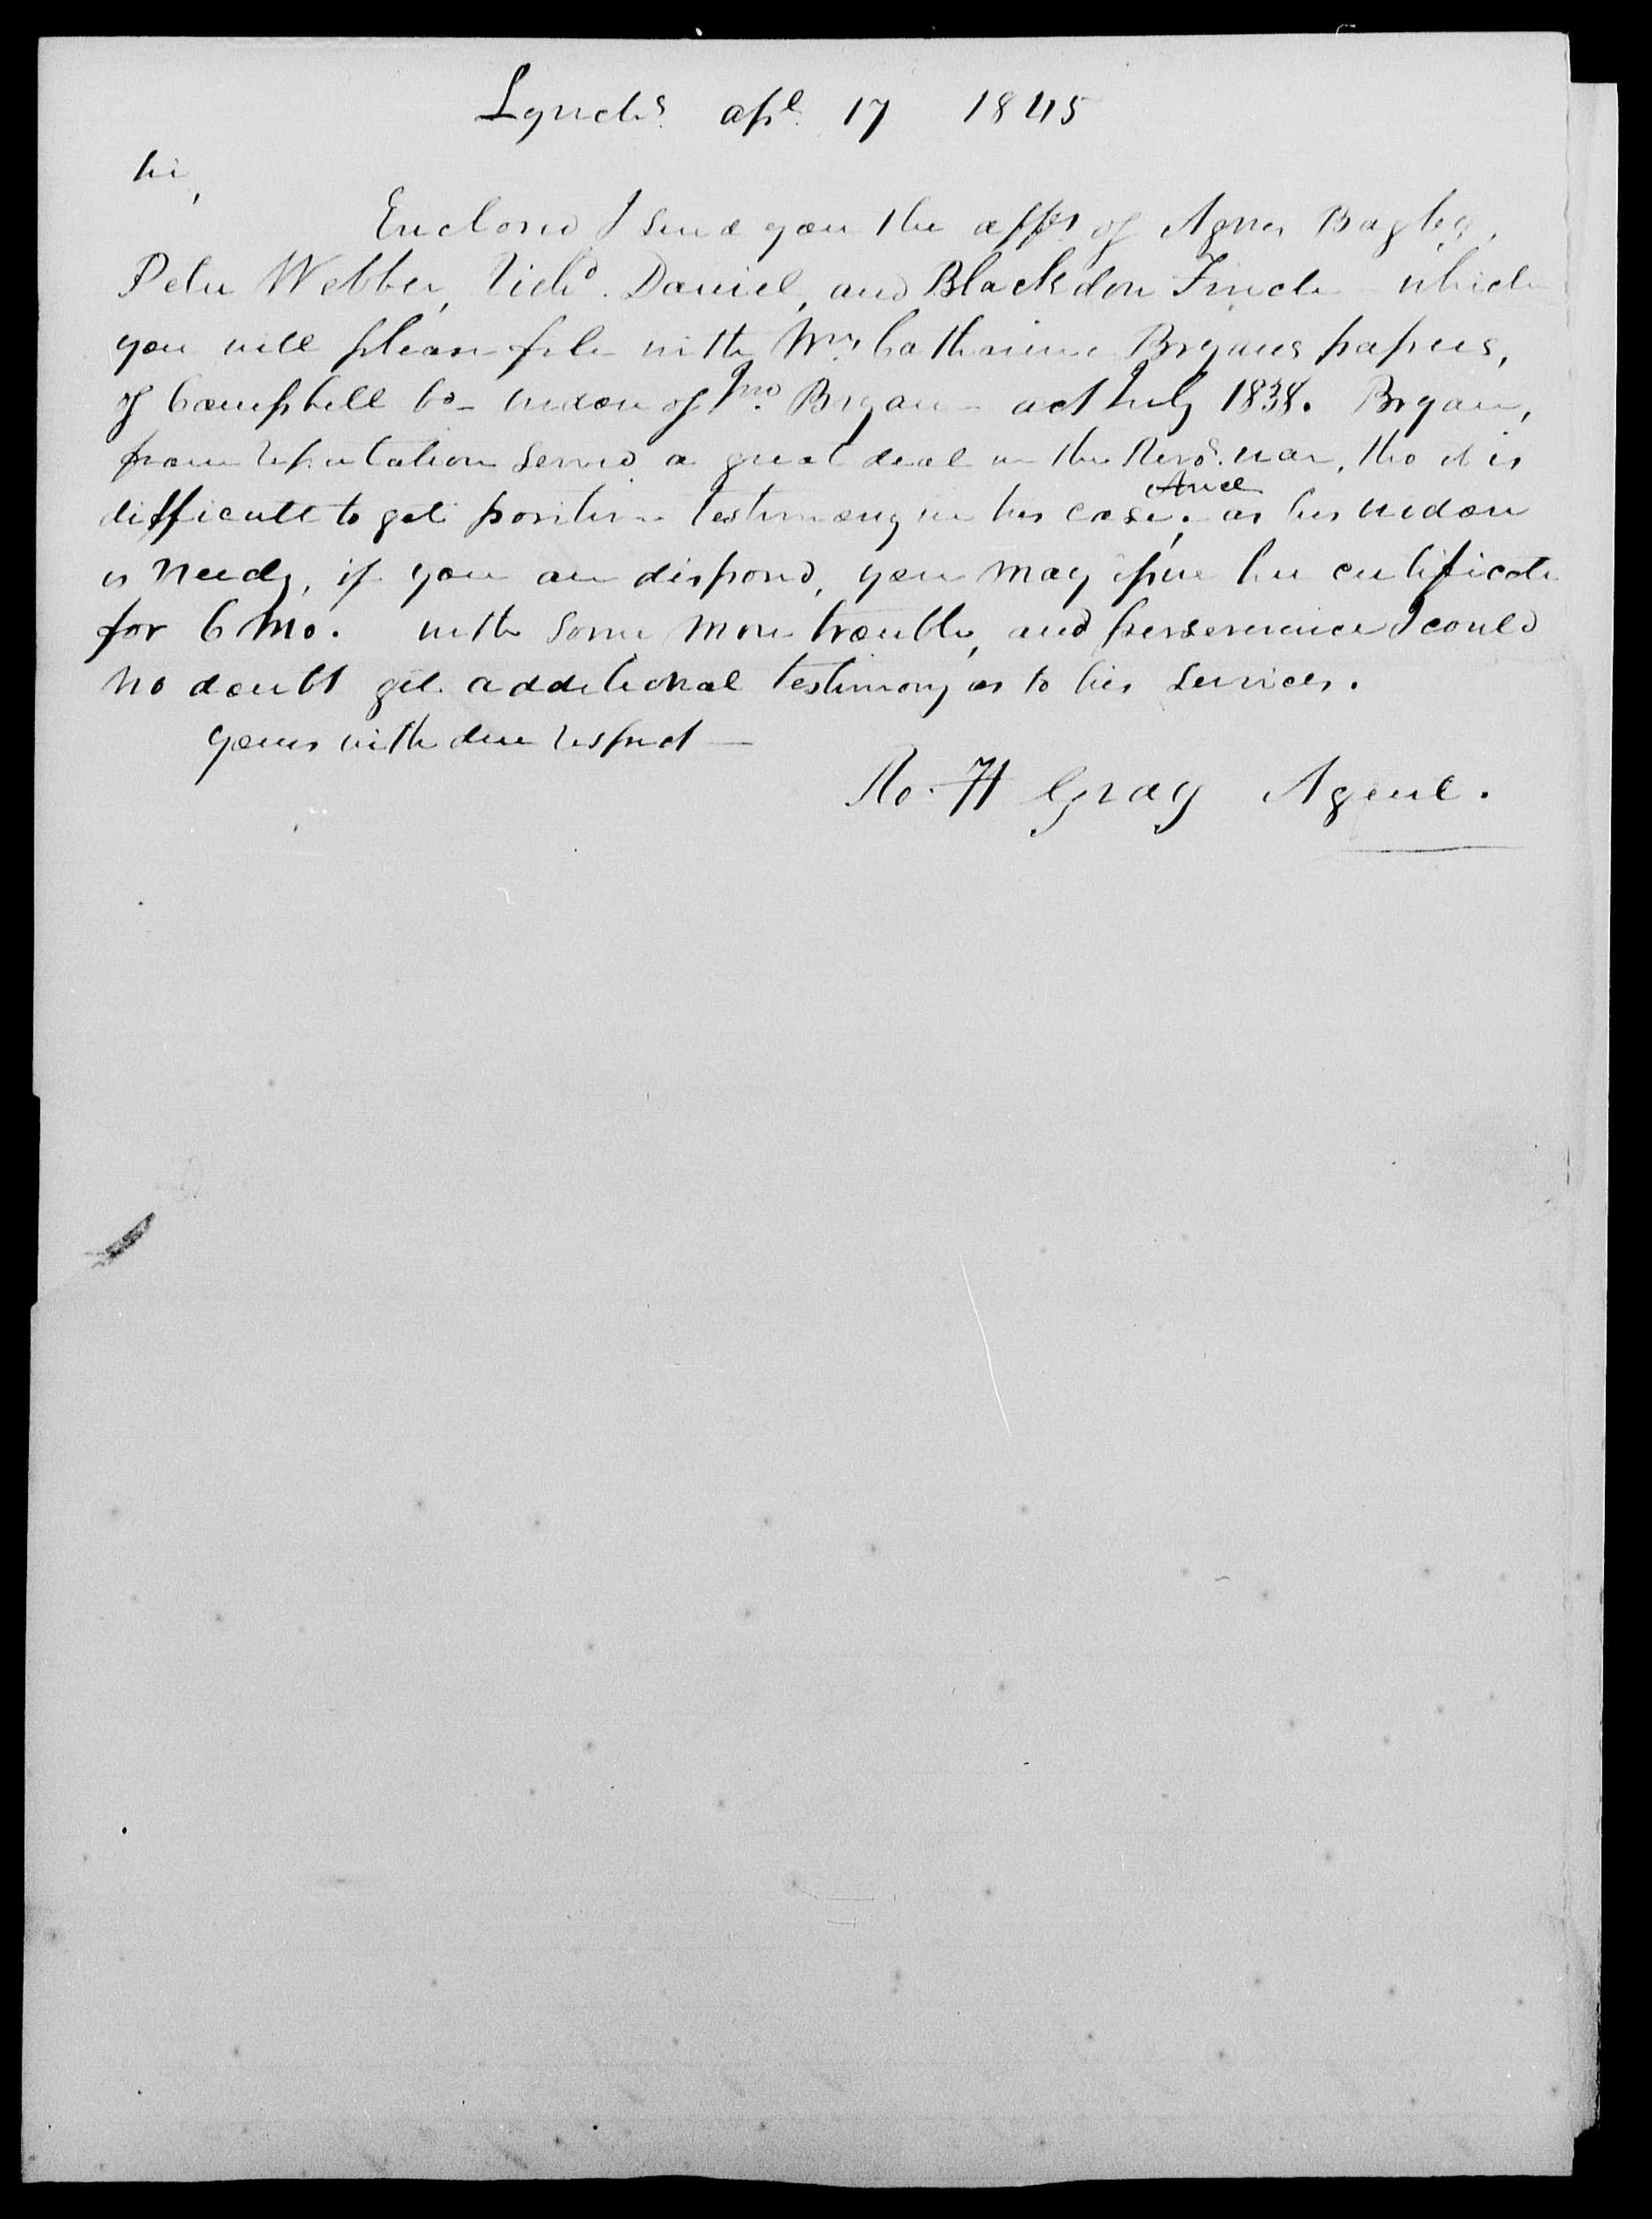Lynch Apr. 17, 1845

Sir,
Enclosed I send you the aft of Agnes Bagby, Peter Webber, Richd Daniel, and Blackdon Finch which you will please file with Mrs. Catharine Bryan's papers, of Campbell to [illegible] of Jno Bryan as May 7th 1838. Bryan, Jno Bryan as Widow of Jno Bryan and July 1838. Bryan, from [illegible] send a great deal with the Revos man , tho it is difficult to get positive testimony in her case; After his widow is needy, if you are disposed, you may give her certificate for 6 mo. with some more trouble, and perseverance I could no doubt get additional testimony as to his services.

Yours with due respect -

Ro H Gray [underlined] Agent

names: Ro H Gray, Agnes Bagby, Richd Daniel, Blackdon Finch, Catharine Bryan, Peter Webber, Bryan, Jno Bryan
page: 27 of 31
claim: widow's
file: W. 3759, John Bryan, Va.